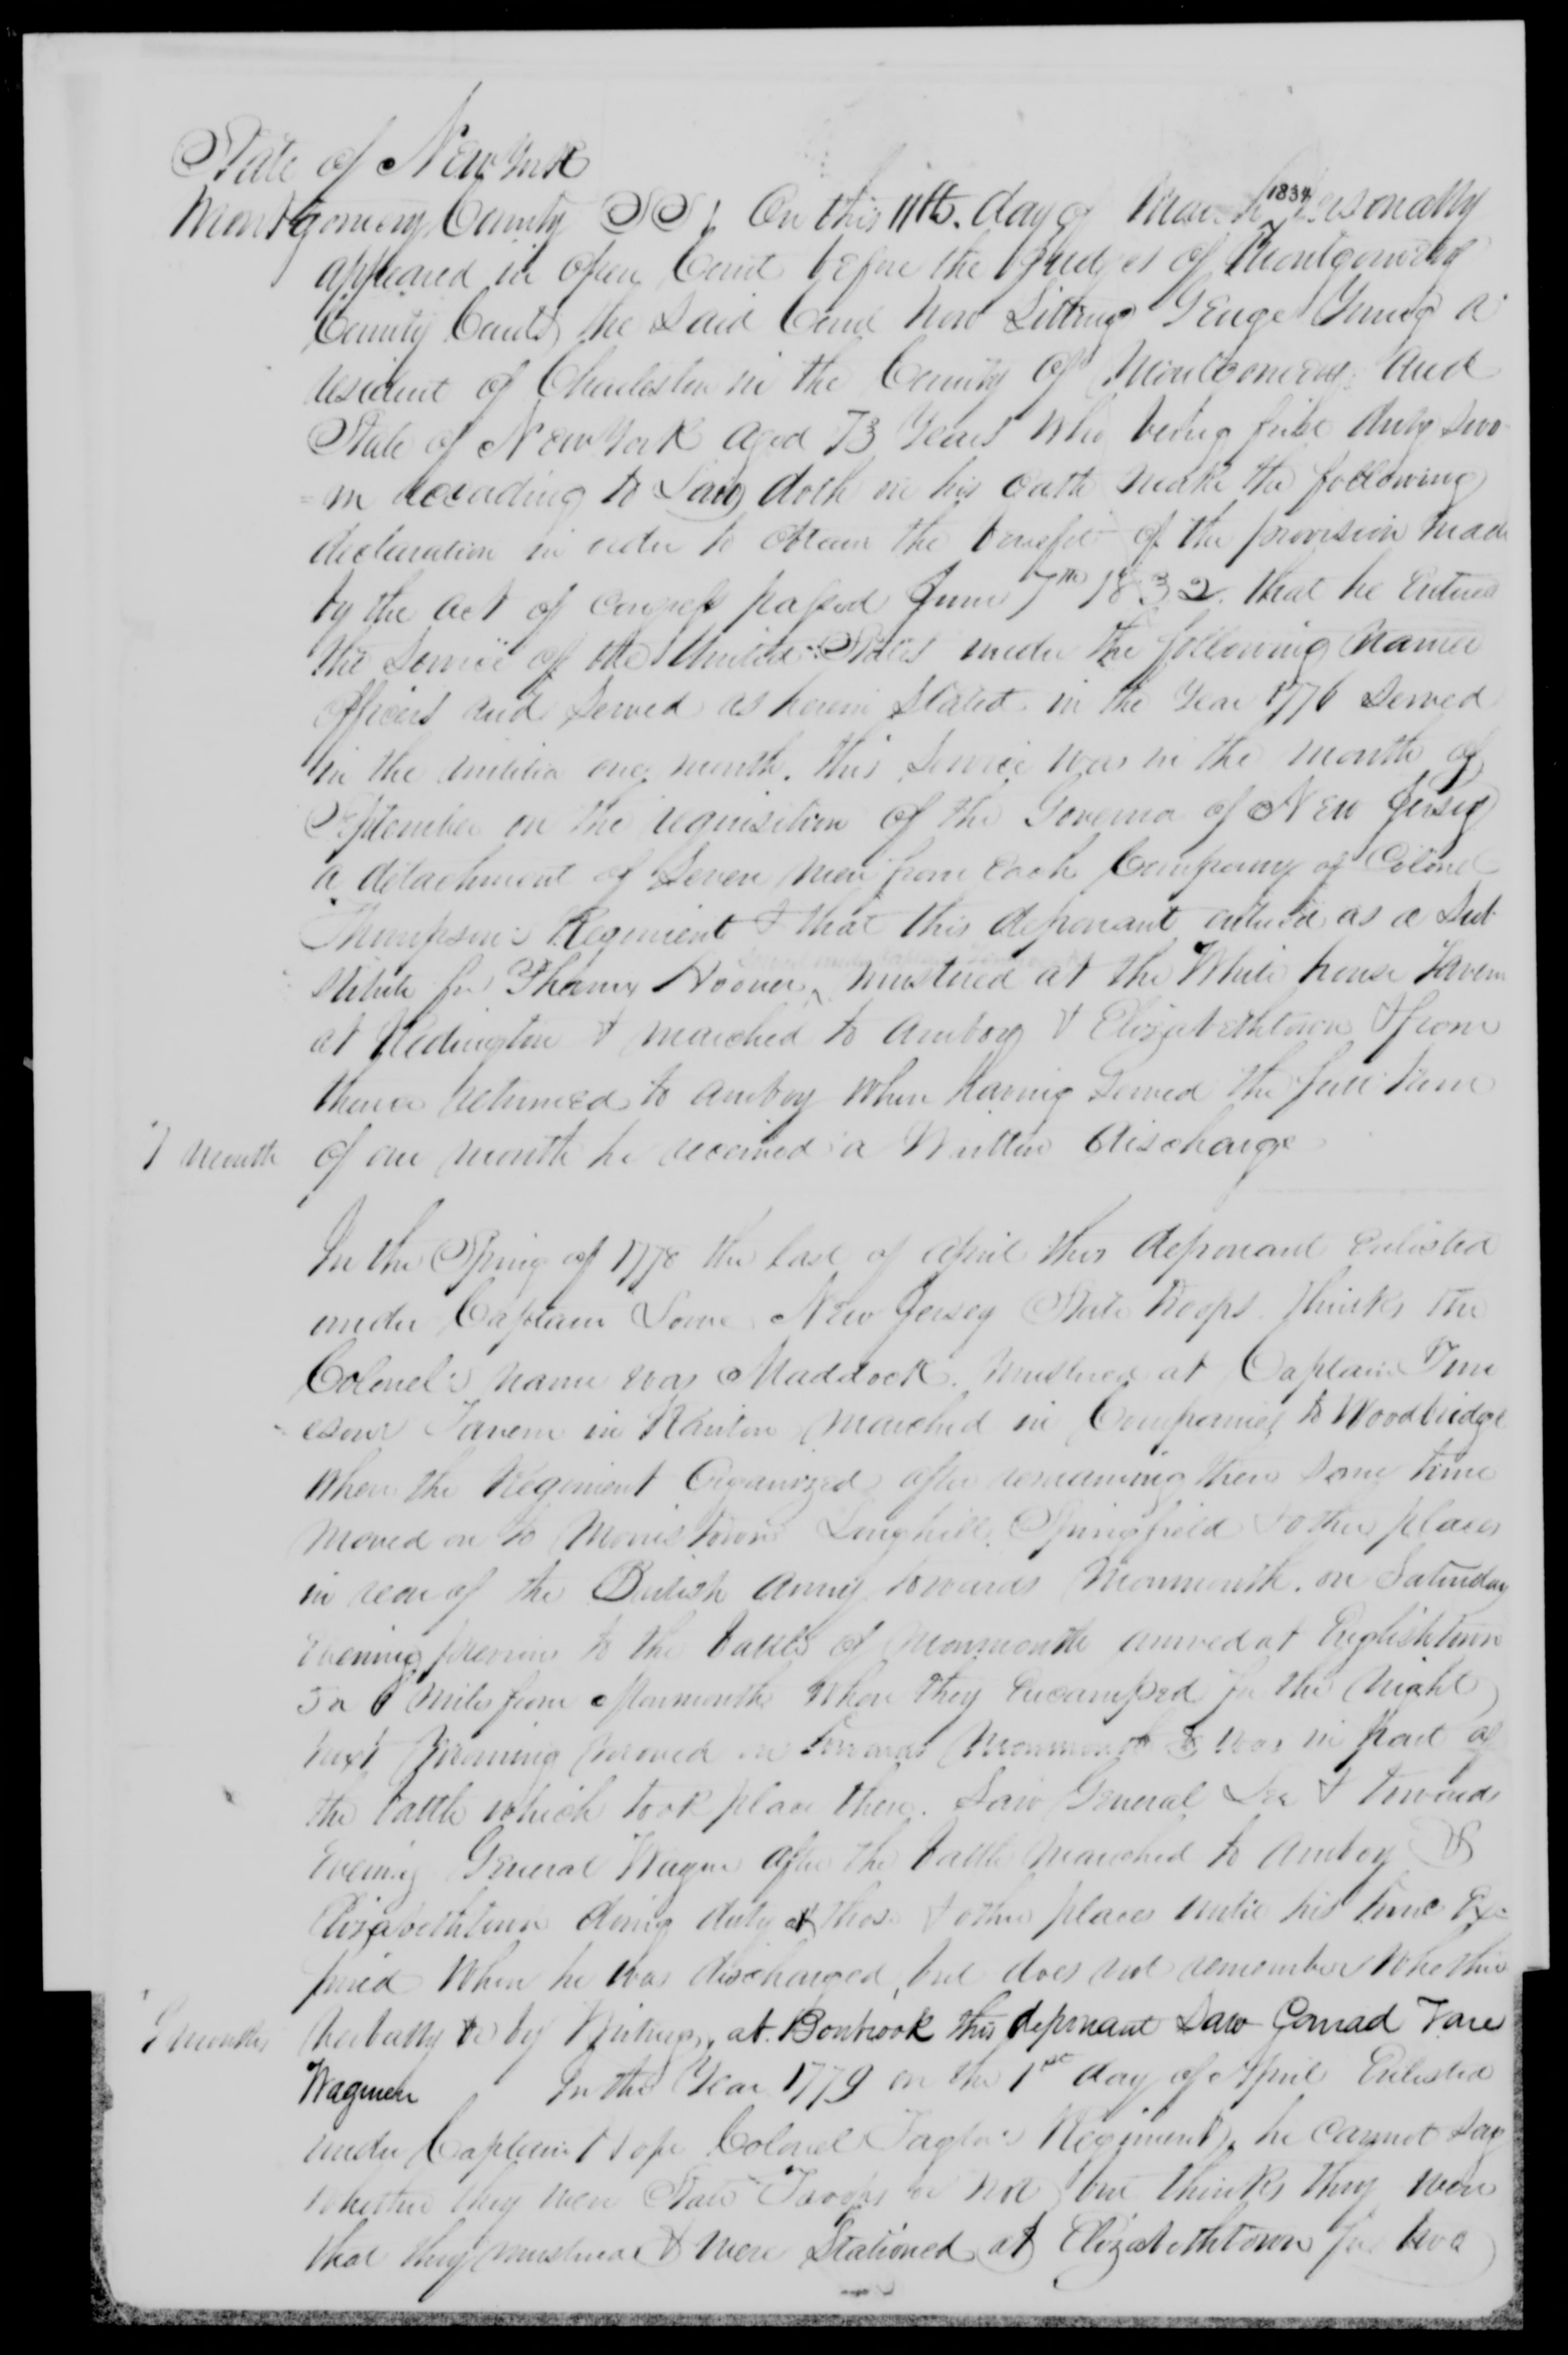State of New York
Montgomery County SS On this 11th day May personally appeared in open Court before the Judges of Montgomery County Courts the said Court now Sitting George Young resident of Charleston in the County of Montgomery and
State of New York aged 73 years who being first duly sworn according to Law doth on his oath make the following declaration in order to obtain the benefit of the provision made
by the act of Conners passed June 7th 1832. that he entered the service of the United States under the following named officers and served as herein stated in the year 1776 served
in the militia one month, this service was in the month of September in the requisition of the Governor of New Jersey a detachment of Seven men from each Company of Colonel
Thompsons Regiment & that this deponent entered as a substitute for Thomas Hoover mustered at the White house Tavern at Redington & marched to Amboy & Elizabethtown & from thence returned to Amboy when having served the full time of a month he received a written discharge

In the spring of 1778 the last of April this deponent enlisted under Captain Lowe New Jersey State Troops thinks the Colonels name was Maddock, Mustered at Captain Tomeson Tavern in Kanton? marched in Company, to Woodbridge
When the Regiment organized after remaining then some time moved on to Morristown Longhill, Springfield & other places
in rear of the British Army towards Monmouth, on Saturday evening previous to the battle of Monmouth arrived at Englishtown 4 or 6 
miles from Monmouth when they encamped on the night, next Morning moved on towards Monmouth & was in part of the battle which took place there saw General Lee & toward evening General Wayne after the Battle marched to Amboy & Elizabethtown doing duty at those & other places until his time Expired when he was discharged, but does not remember whether verbally or by witness at Bonbrook this deponant saw Conrad Fare 
Wagoner In the year 1779 on the 1st day of April Enlisted under Captain Hope Colonel Taylor's Regiment he cannot say whether they were State Troops or not but thinks they were
that they mustered & were stationed at Elizabethtown for two
[Along side of page [ "7 month" and "9 month"]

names: Shaney Hoover, Wagor, George Young, Teneson Tanem, Daw, Ewing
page: 2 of 67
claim: widow's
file: W. 7379, George Young, New Jersey